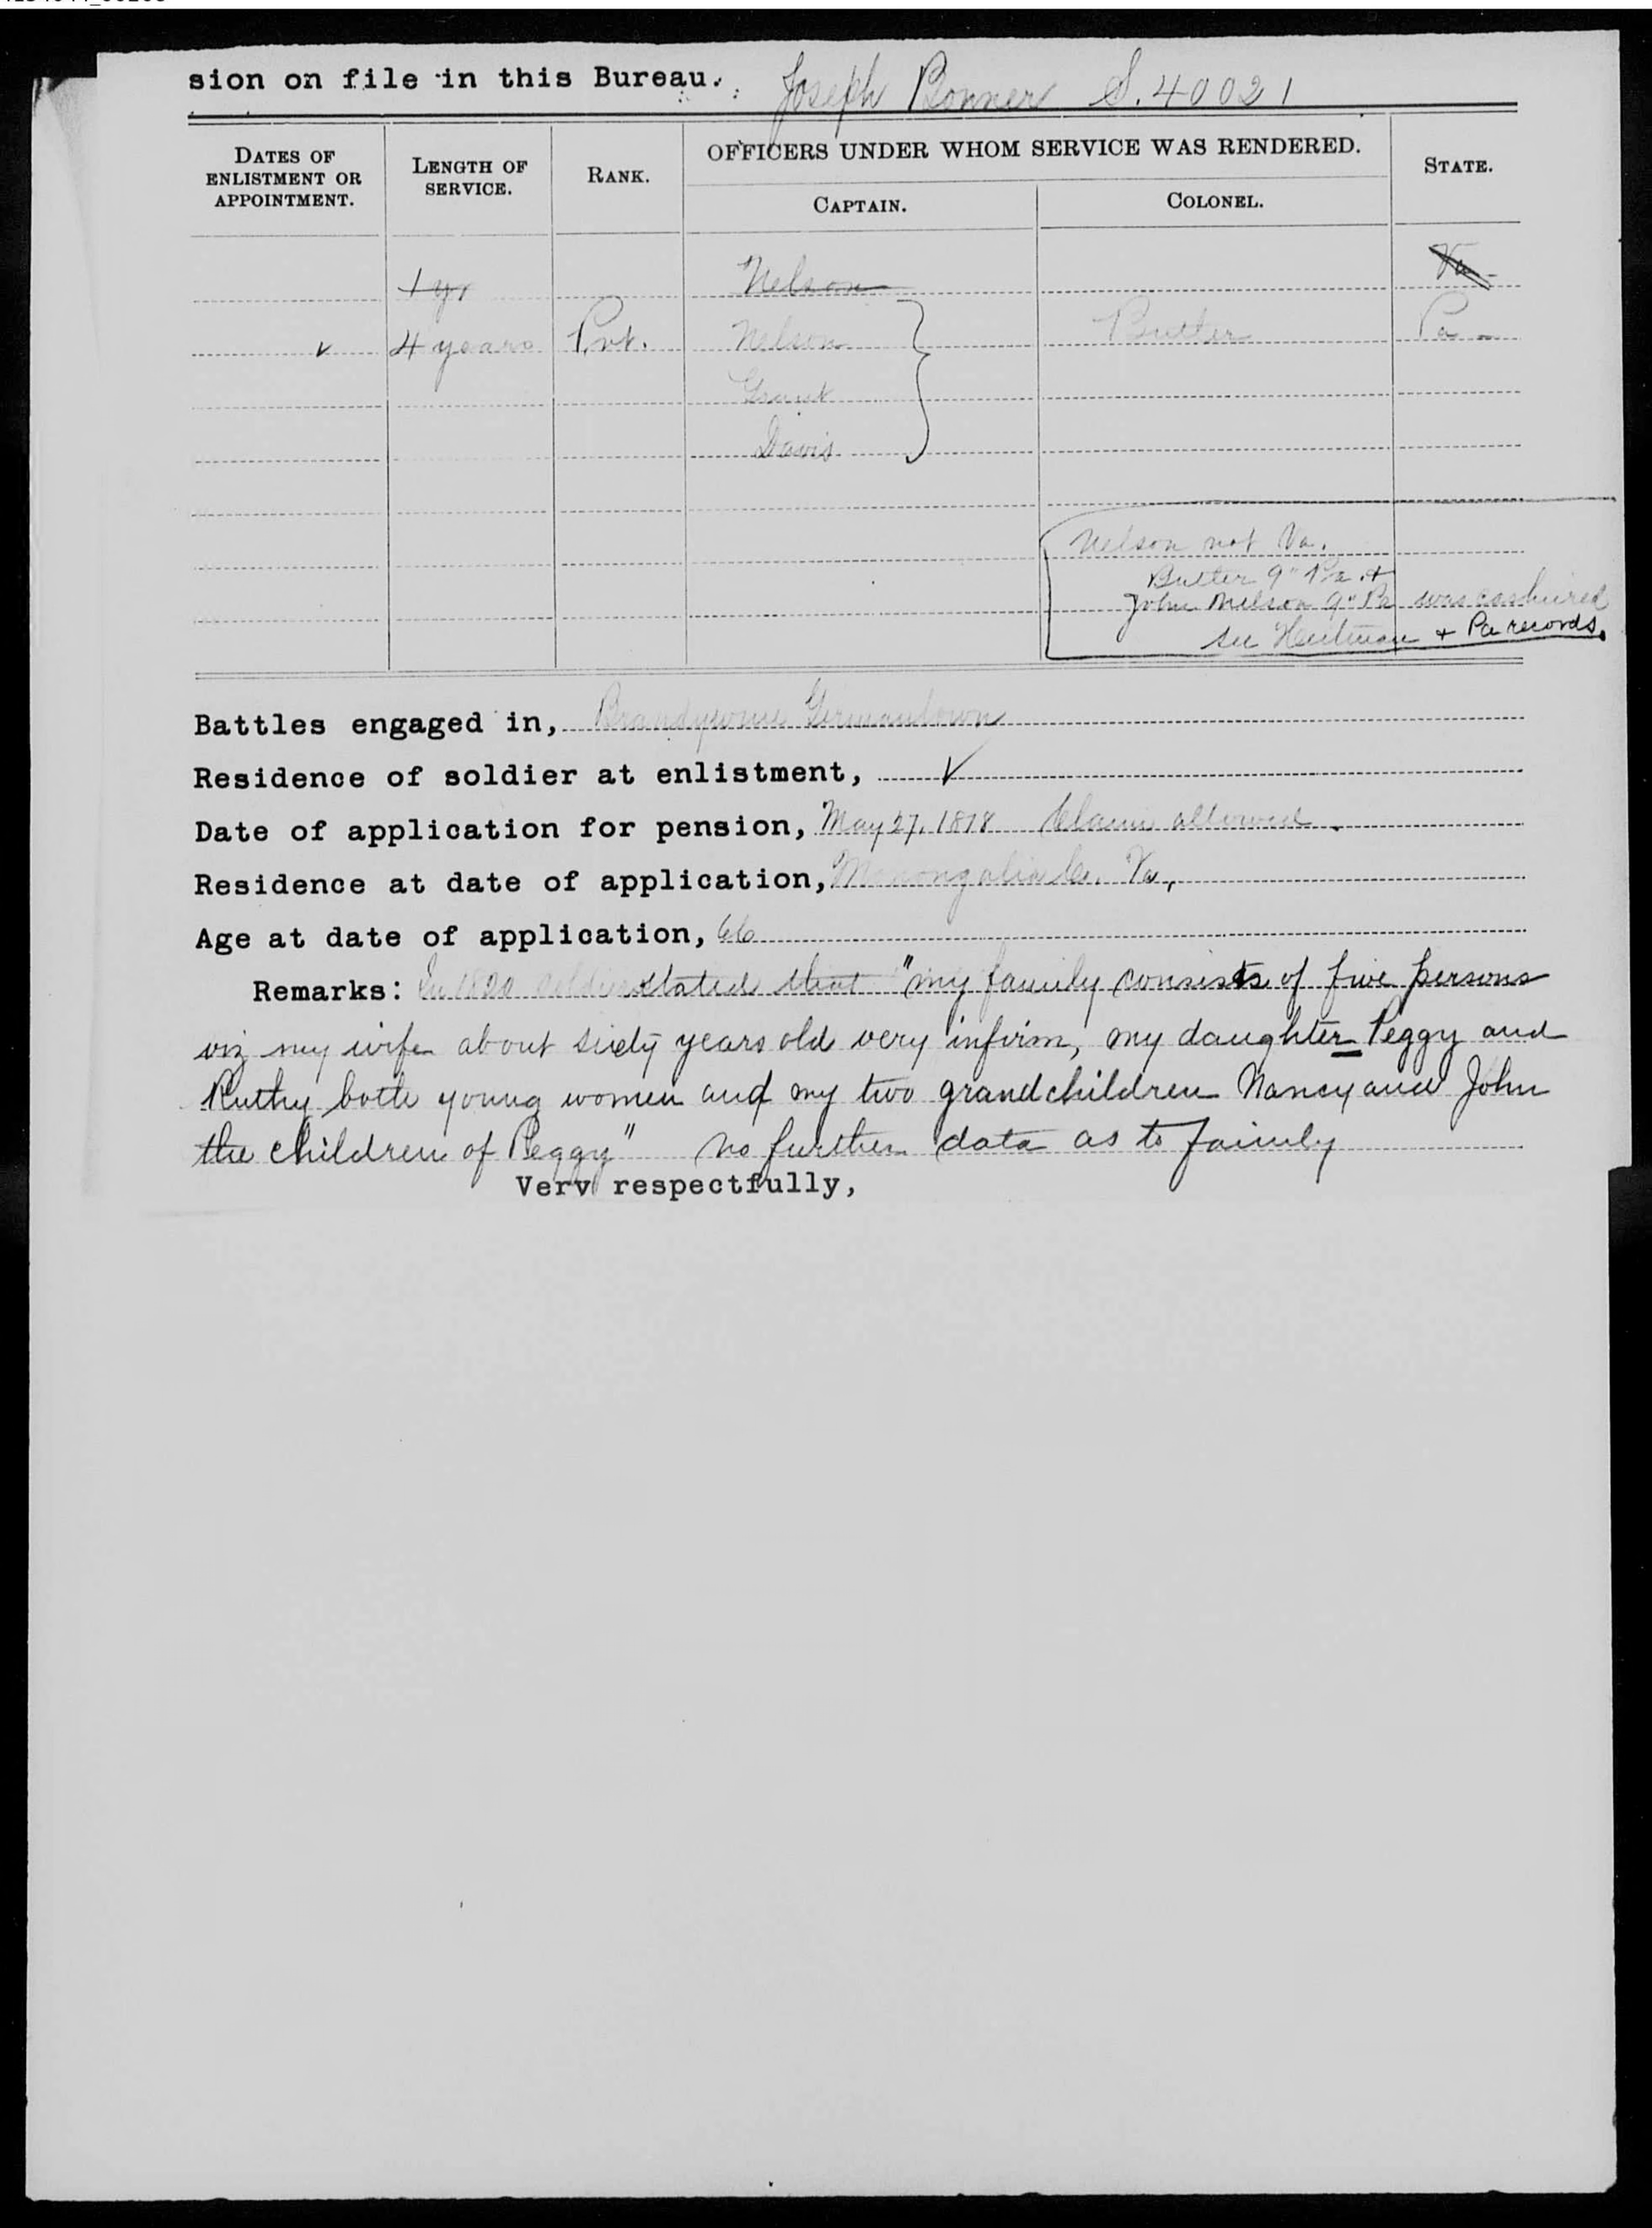sion on file in this Bureau.
Joseph Bonner S.40021
DATES OF
ENLISTMENT OR
APPOINTMENT.
[checkmark]

LENGTH OF
SERVICE.

1 yr [crossed-out]
4 years

RANK.
Pvt.

OFFICERS UNDER WHOM SERVICE WAS RENDERED.
CAPTAIN.
Nelson
Grant
Davis

COLONEL.
Butler

STATE.
Va. [crossed-out]
Penn.

Nelson not Va.
Butler 9" Pa. [illegible] and
John Nelson 9" Pa was cashiered
See Kentucky [illegible] and Pa records.

Battles engaged in, Brandywine, Germantown
Residence of soldier at enlistment, [checkmark]
Date of application for pension, May 27, 1818 Claim allowed.
Residence at date of application, Monongalia, W. Va.
Age at date of application, 66

Remarks: In 1820 soldier stated that "my family consists of five persons
vis my wife about sixty years old very infirm, my daughters Peggy and Ruthy both young women and my two grandchildren Nancy and John
the children of Peggy" no further data as to family

Very respectfully,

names: Nelson, Peggy, Ruthy, Grant, Joseph Bonner, Butler, Nancy, Davis, Nelson, John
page: 16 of 20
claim: survivor's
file: S. 40,021, Joseph Bonner, Penn.